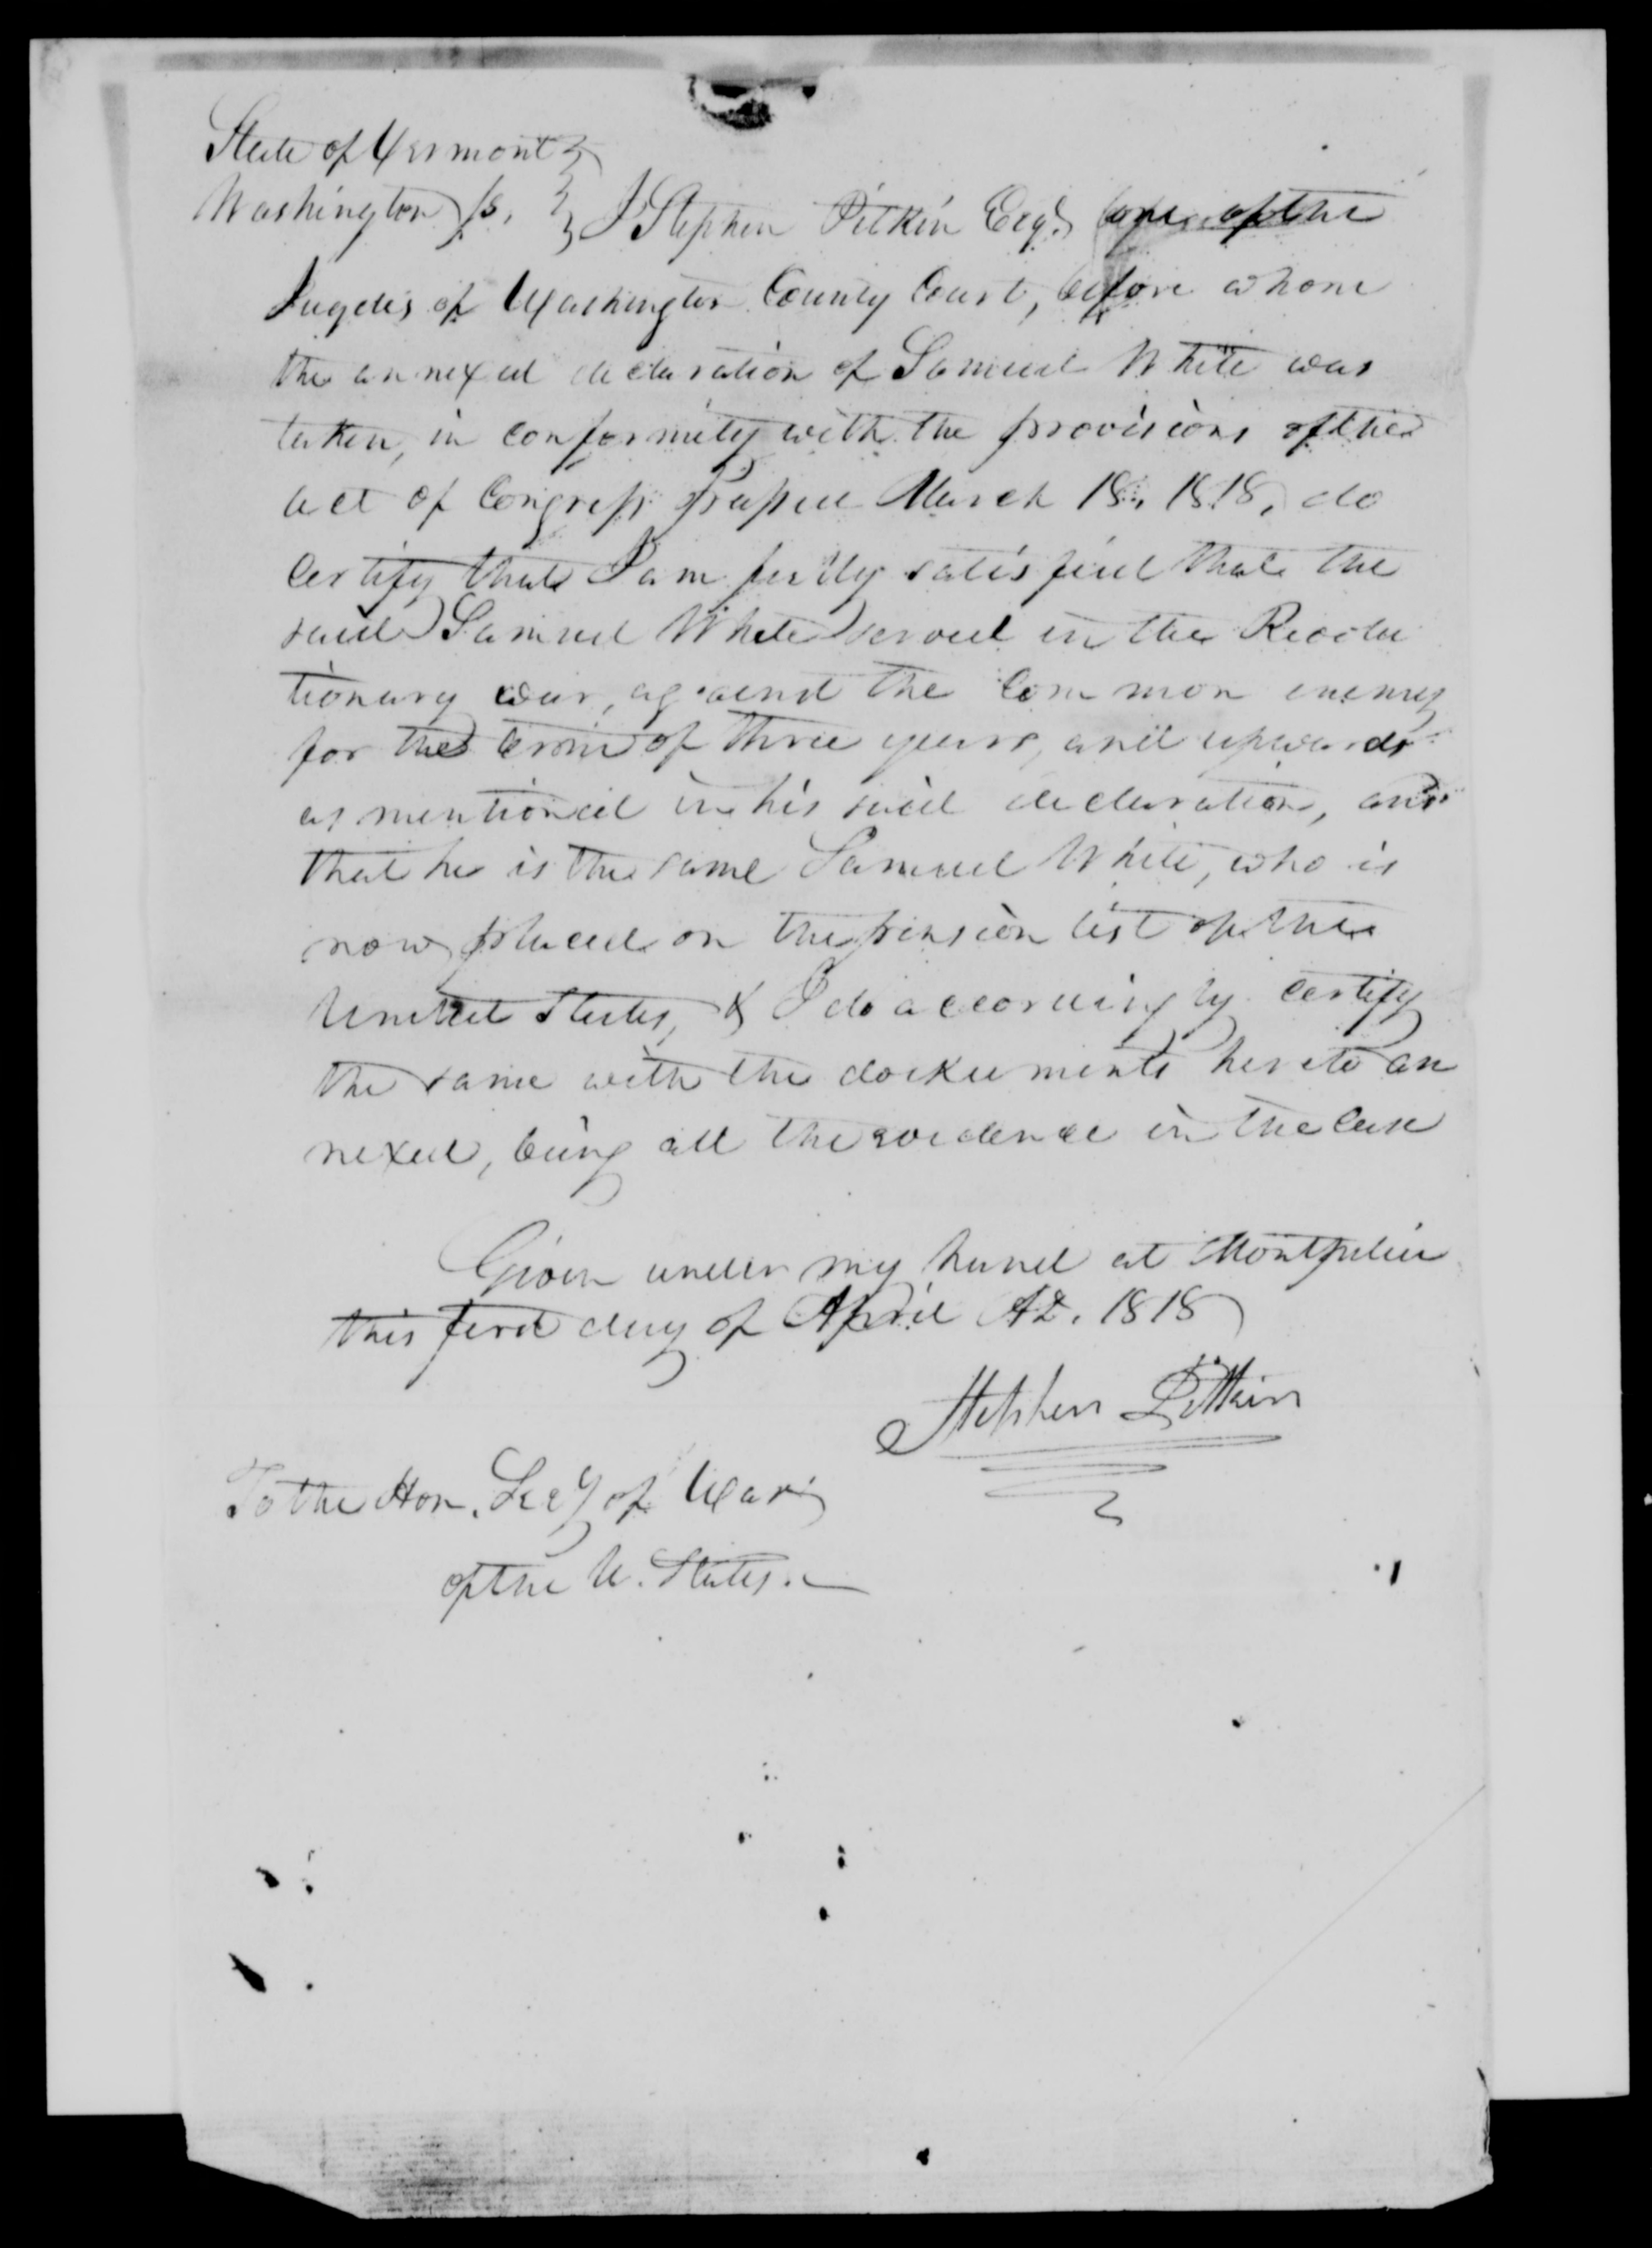State of Vermont
Washington SS
I Stephen Pitkin Esq one of the Judges of Washington County Court before whom the annexed declaration of Samuel White was taken in conformity with the provisions of the act of Congress passed March 18,1818 do certify that I am fully satisfied that the said Samuel White served in the Revolutionary war against the common enemy for the term of three years and upwards as mentioned in his said declaration, and that he is the same Samuel White, who is now placed on the pension list of the United States & I do accordingly certify the same with the dockuments hereto annexed being all the evidence in the case.
Given under my hand at Montpelier this first day of April A.D. 1818
Stephen Pitkin

To the Hon. Secy of War
of the U. States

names: Samuel White, Stephen Pitkin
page: 9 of 79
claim: survivor's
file: S. 11759, Samuel White, Mass.